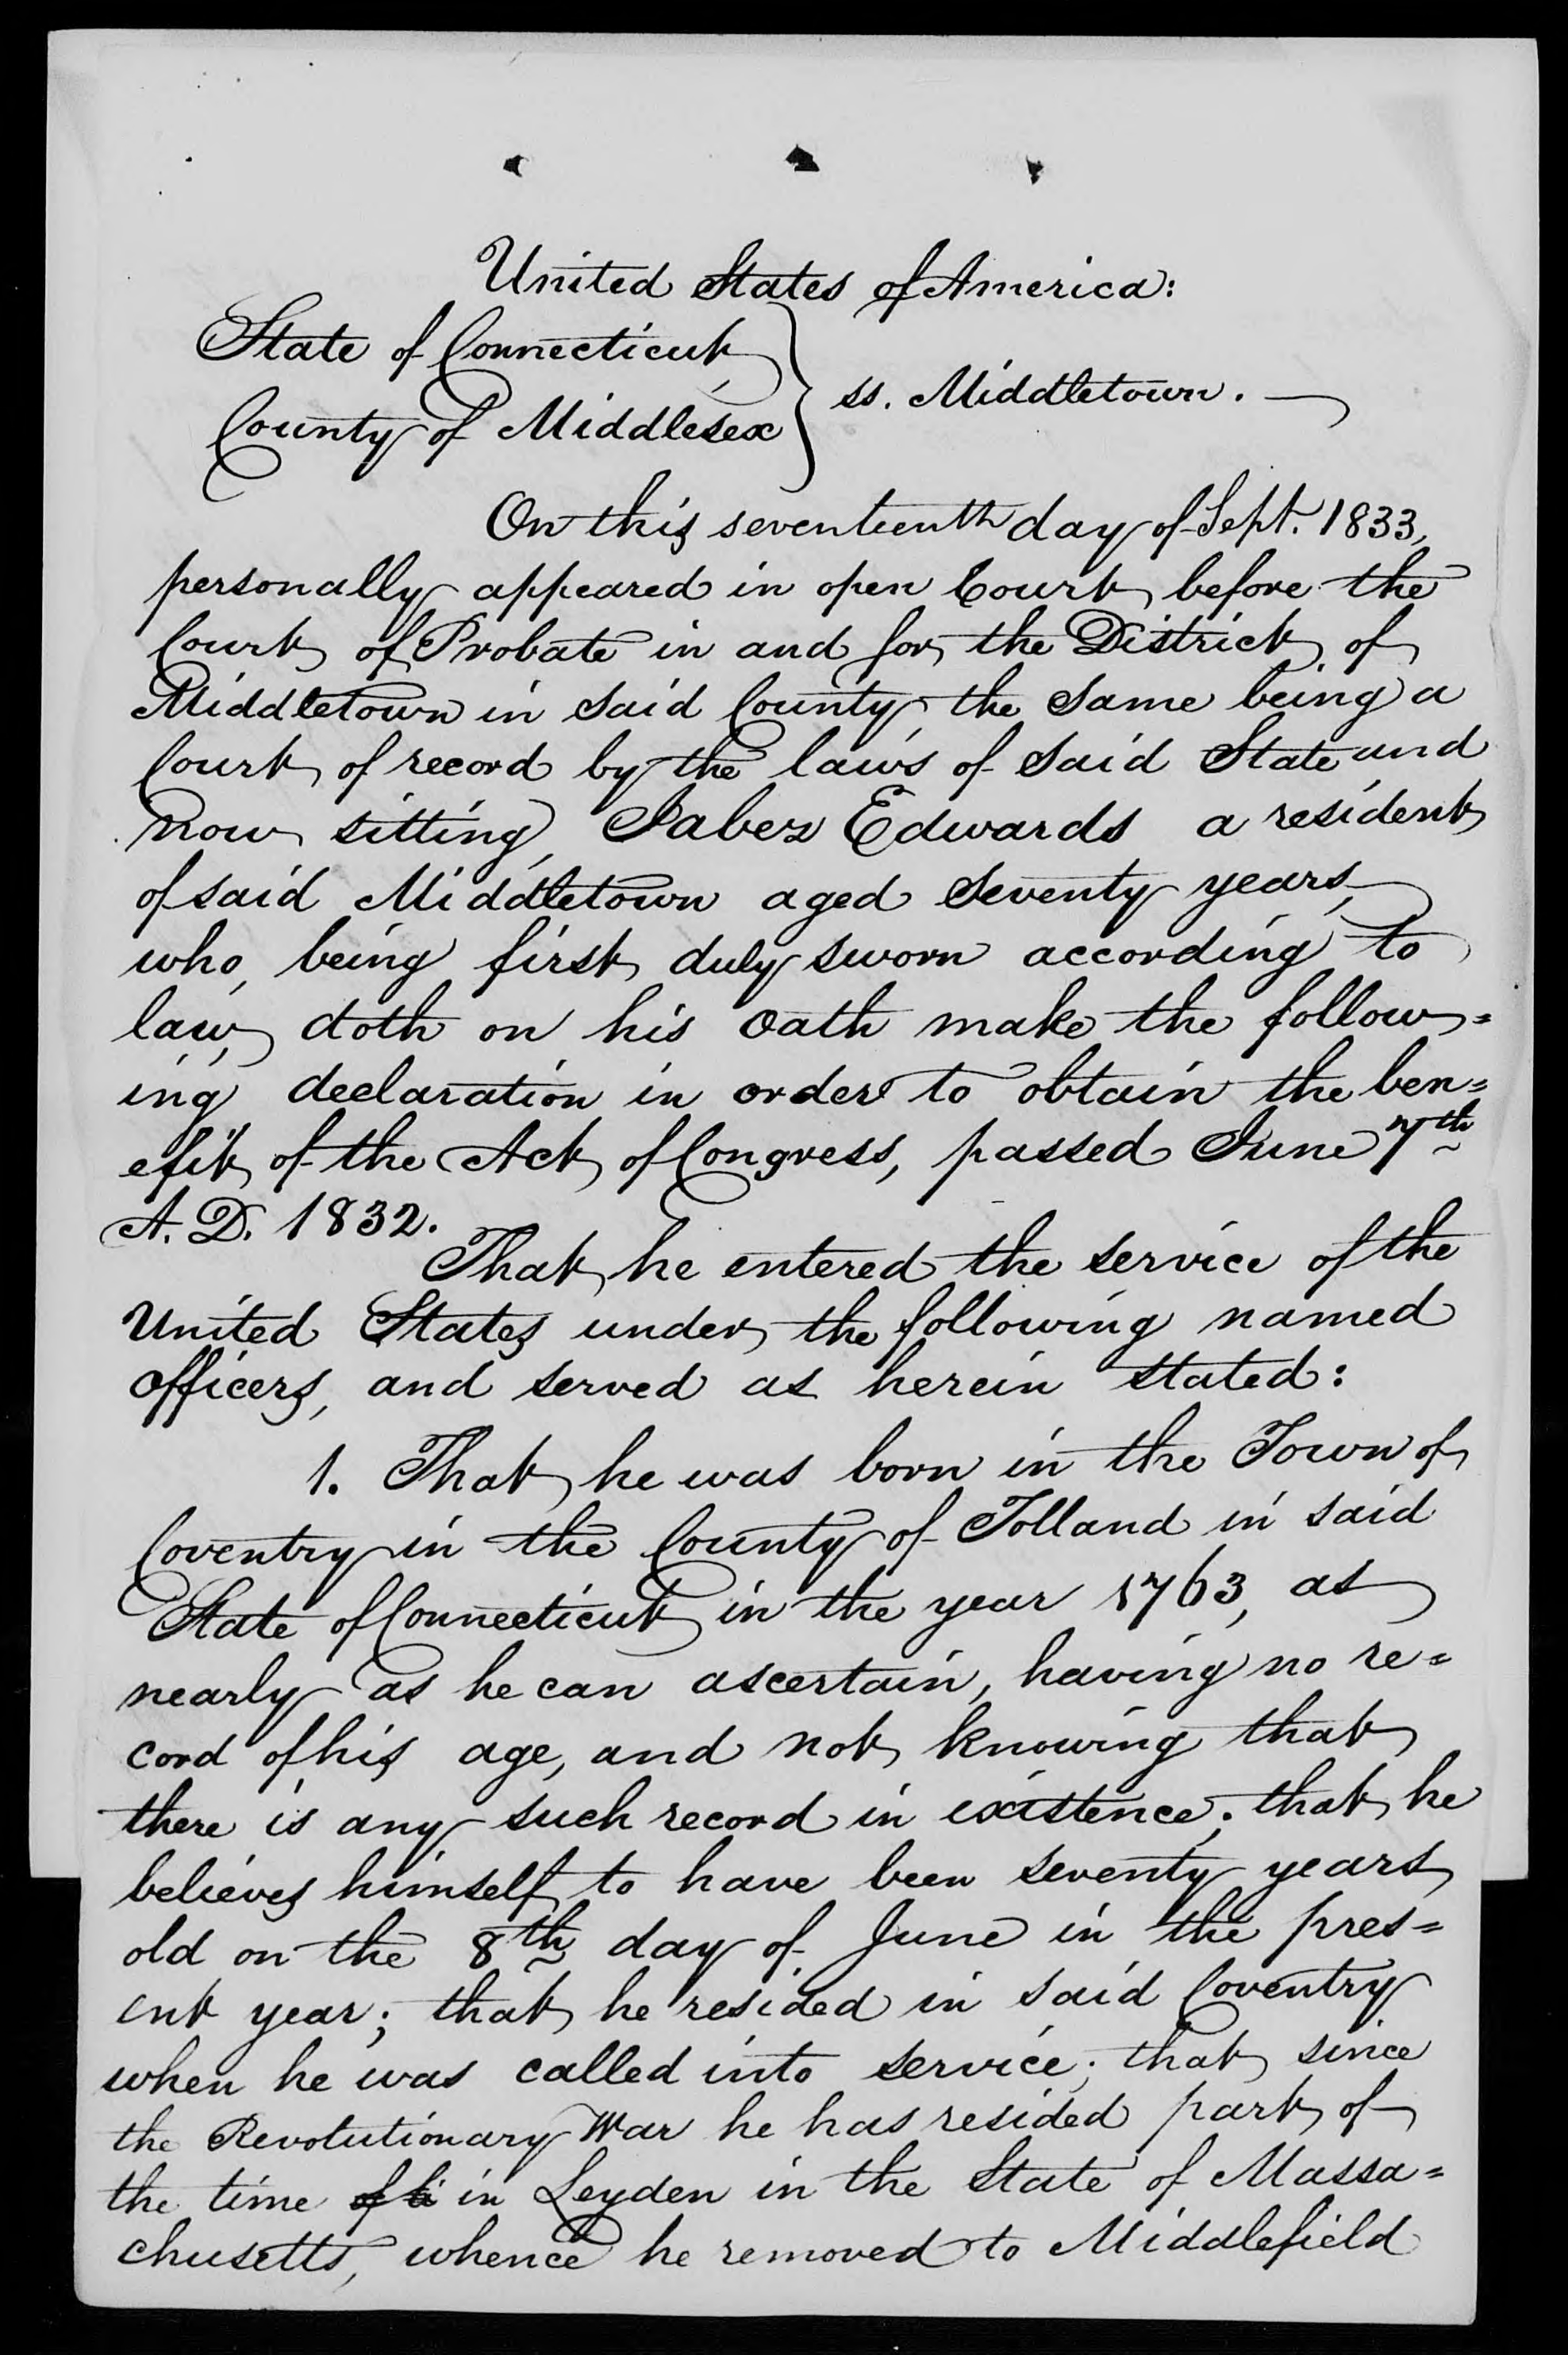United States of America:
State of Connecticut
County of Middlesex
S.s. Middletown

On this seventeenth day of Sept. 1833, personally appeared in open court before the Court of Probate in and for the District of Middletown in said county, the same being a court of record by the laws of said State and now siting, Jabez Edwards, a resident of said Middletown aged seventy years who being first duly sworn according to law doth on his oath make the following declaration in order to obtain the benefit of the Act of Congress, passed June 7th A.D. 1832.

That he entered the service of the United States under the following named officers and served as herein stated:

1. That he was born in the town of Coventry in the county of Tolland in said State of Connecticut in the year 1763, as nearly as he can ascertain, having no record of his age, and not knowing that there is any such record in existence. That he believes himself to have been seventy years old on the 8th day of June in the present year; that he resided in said Coventry when he was called into service. That since the Revolutionary War he has resided part of the time in Leyden in the State of Massachusetts, whence he removed to Middlefield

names: Jabez Edwards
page: 4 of 50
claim: survivor's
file: S 10607, Jabez Edwards, Conn.